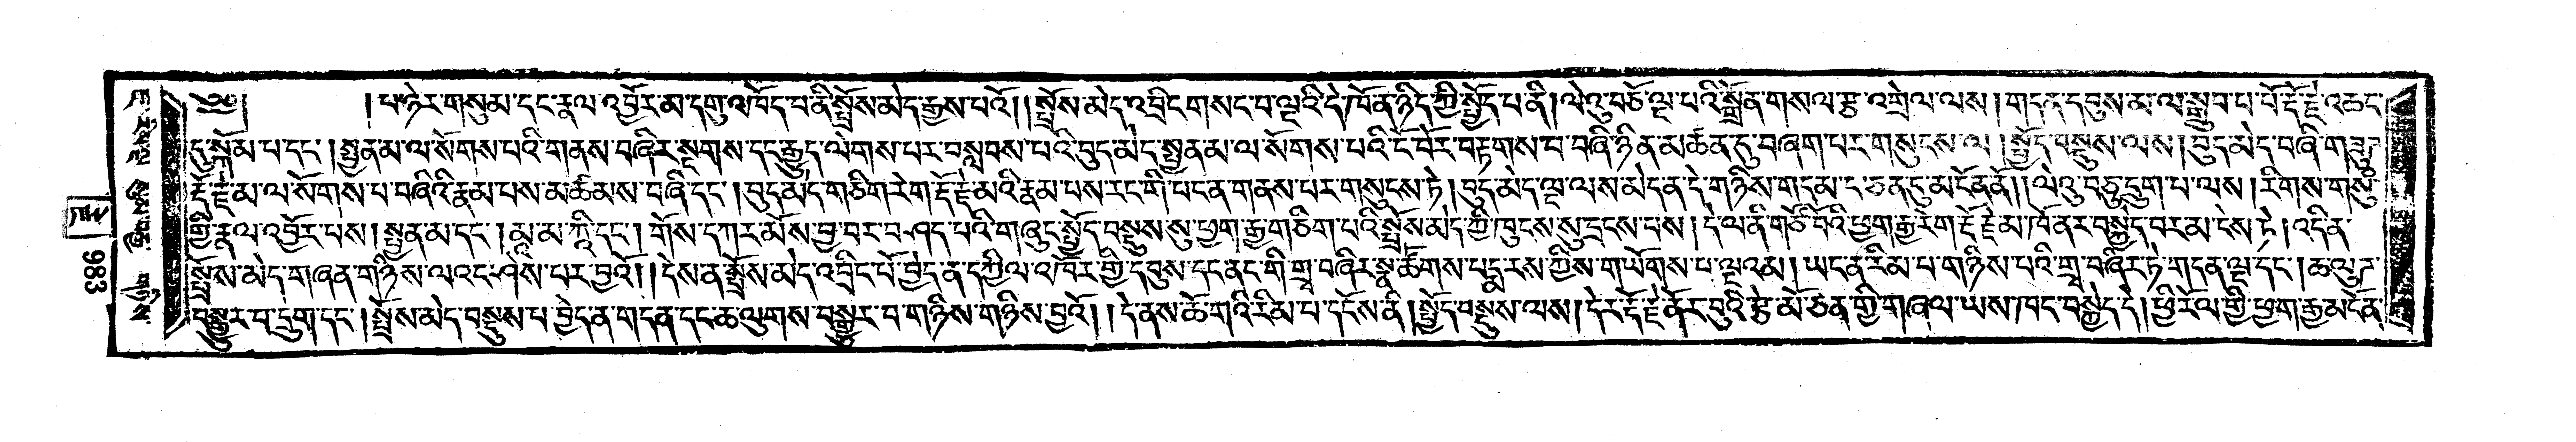༄༅། །པ་ཉེར་གསུམ་དང་རྣལ་འབྱོར་མ་དགུ་འཁོད་པ་ནི་སྤྲོས་མེད་རྒྱས་པའོ། །སྤྲོས་མེད་འབྲིང་གསང་བ་ལྔའི་དེ་ཁོ་ན་ཉིད་ཀྱི་སྤྱོད་པ་ནི། ལེའུ་བཅོ་ལྔ་པའི་སྒྲོན་གསལ་རྩ་འགྲེལ་ལས། གདན་དབུས་མ་ལ་སྒྲུབ་པ་པོ་རྡོ་རྗེ་འཆང་
དུ་སྒོམ་པ་དང་། སྤྱན་མ་ལ་སོགས་པའི་གནས་བཞིར་སྔགས་དང་རྒྱུད་ལེགས་པར་བསླབས་པའི་བུད་མེད་སྤྱན་མ་ལ་སོགས་པའི་ངོ་བོར་བརྟགས་པ་བཞི་ཉིན་མཚན་དུ་བཞག་པར་གསུངས་ལ། སྤྱོད་བསྡུས་ལས། བུད་མེད་བཞི་གཟུགས་
རྡོ་རྗེ་མ་ལ་སོགས་པ་བཞིའི་རྣམ་པས་མཚམས་བཞི་དང་། བུད་མེད་གཅིག་རེག་རྡོ་རྗེ་མའི་རྣམ་པས་རང་གི་པང་ན་གནས་པར་གསུངས་ཏེ། བུད་མེད་ལྔ་ལས་མེད་ན་དེ་གཉིས་གདམ་པ་ཅན་དུ་མངོན་ནོ། །ལེའུ་བཅུ་དྲུག་པ་ལས། རིགས་གསུམ་
གྱི་རྣལ་འབྱོར་པས། སྤྱན་མ་དང་། མཱ་མ་ཀཱི་དང་། གོས་དཀར་མོས་བྱ་བར་བཤད་པའི་གཞུང་སྤྱོད་བསྡུས་སུ་ཕྱག་རྒྱ་གཅིག་པའི་སྤྲོས་མེད་ཀྱི་ཁུངས་སུ་དྲངས་པས། དེ་ལ་ནི་གཙོ་བོའི་ཕྱག་རྒྱ་རེག་རྡོ་རྗེ་མ་ཁོ་ནར་བསྐྱེད་པར་མ་ངེས་ཏེ། འདི་ན་
སྤྲོས་མེད་གཞན་གཉིས་ལའང་ཤེས་པར་བྱའོ། །དེས་ན་སྤྲོས་མེད་འབྲིང་པོ་བྱེད་ན་དཀྱིལ་འཁོར་གྱི་དབུས་དང་ནང་གི་གྲྭ་བཞིར་སྣ་ཚོགས་པདམ་རས་ཀྱིས་གཡོགས་པ་ལྔའམ། ཡང་ན་རིམ་པ་གཉིས་པའི་གྲྭ་བཞིར་ཏེ་གདན་ལྔ་དང་། ཆ་ལུགས་
བསྒྱུར་བ་དྲུག་དང་། སྤྲོས་མེད་བསྡུས་པ་བྱེད་ན་གདན་དང་ཆ་ལུགས་བསྒྱུར་བ་གཉིས་གཉིས་བྱའོ། །དེ་ནས་ཆོ་གའི་རིམ་པ་དངོས་ནི། སྤྱོད་བསྡུས་ལས། དེར་རྡོ་རྗེ་ནོར་བུའི་རྩེ་མོ་ཅན་གྱི་གཞལ་ཡས་ཁང་བསྐྱེད་དེ། ཕྱི་རོལ་གྱི་ཕྱག་རྒྱ་མངོན་